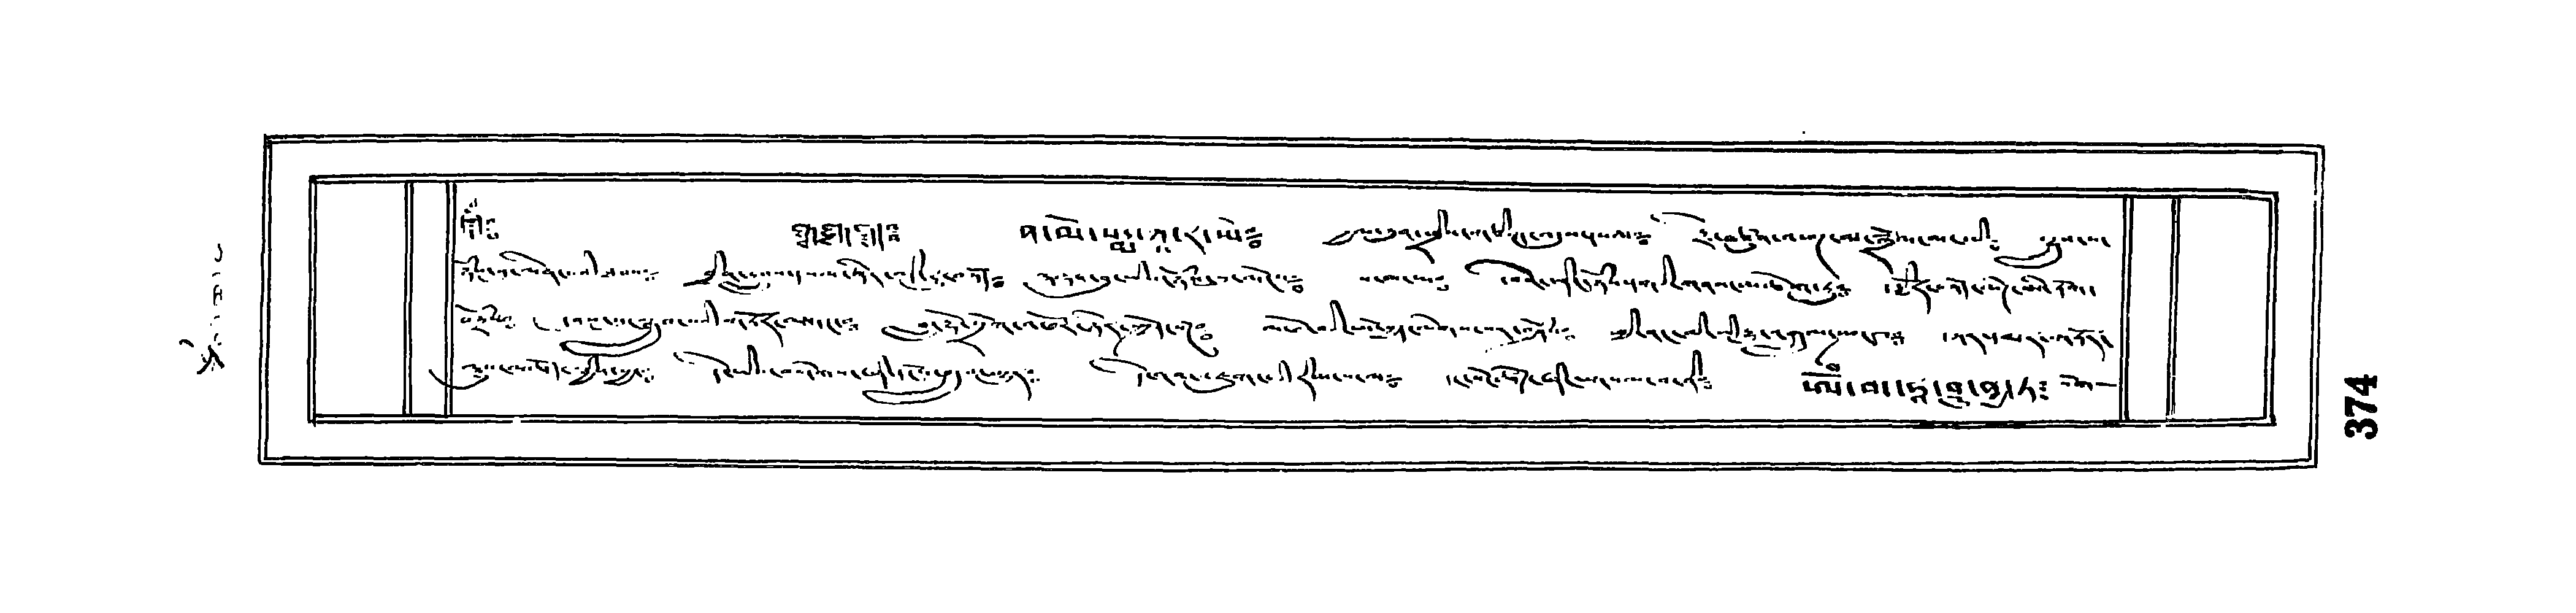ན་མོ་པདྨ་ཀཱ་ར་ཡེ༔ རྒྱལ་ཀུན་ཕྲིན་ལས་གཅིག་འདུས་དཔལ༔ རྗེ་བཙུན་འཕགས་མ་སྒྲོལ་མ་ཡི༔ སྒྲུབ་པ་
ཉམས་སུ་ལེན་པའི་ཐབས༔ བྱིན་རླབས་དཔལ་སྟེར་འདི་རུ་བཀོད༔ སྐལ་ལྡན་བུ་ཡིས་ཉམས་སུ་ལོངས༔ ས་མ་ཡ༔ དབེན་སྙིང་ཉམས་དགའི་གནས་མཆོག་ཏུ༔ དཀྱིལ་འཁོར་བཀོད་ལེགས་མེ་ཏོག་
བཀྲམ༔ དབུས་སུ་སྒྲུབ་པའི་གཏོར་མ་དང༔ བླ་རྡོ་སྲོག་འཁོར་ཉེར་སྤྱོད་སོགས༔ མཁོ་བའི་ཡོ་བྱད་ལེགས་པར་བཤམས༔ ཕྱི་ནང་མི་ཡི་རྒྱུ་འགྲུལ་སྤངས༔ དཀར་དམར་གཏོར་
སྐྱུས་མཆོད་སྦྱིན་བྱ༔ དེ་ཡིས་བགེགས་ཞི་དངོས་གྲུབ་མྱུར༔ དེ་ནས་འཇུག་པའི་རིམ་པ་ལ༔ དང་པོ་ཚོགས་ཞིང་གསལ་བ་ནི༔ ཨོཾ་མ་ཧཱ་ཤུ་ནྱ་ཏ༴ སོགས༔